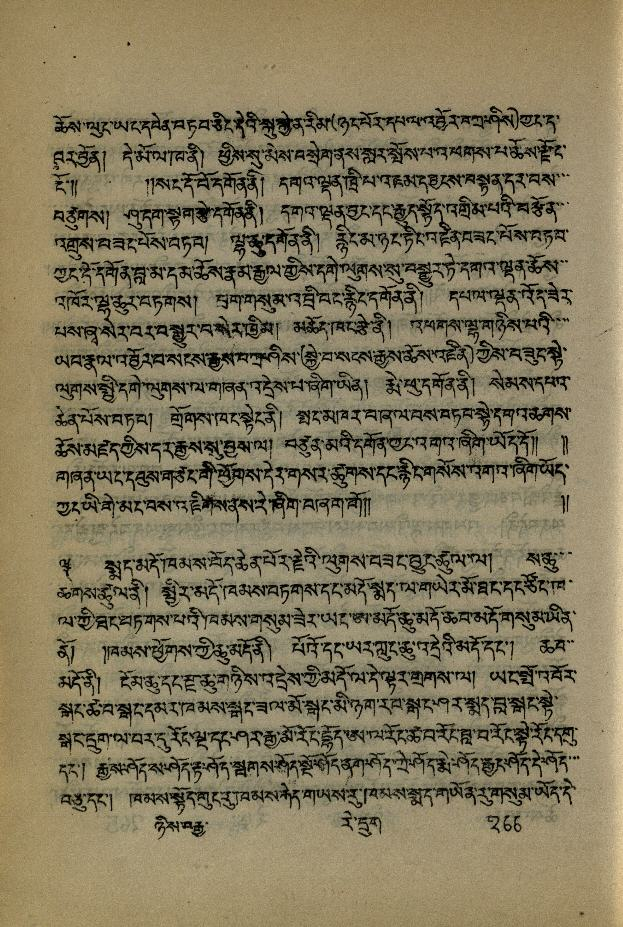ཆོས་ལུང་ཡང་དབེན་བཏབ་ཅིང་དེའི་སྐུ་སྐྱེ་ན་རིམ་ཉང་པོར་དཔལ་འབྱོར་བཀྲ་ཤིས་ཀྱང་ད་
བར་བྱོན། དེ་མོ་ལ་ཁ་ནི། ཕྱིས་སུ་མེས་བསྲེག་ནས་སླར་སྤོས་པ་འཕགས་པ་ཆོས་རྫོང་
ངོ།། །།སང་དོ་བོ་དགོན་ནི། དགའ་ལྡན་ཁྲི་པ་འཇམ་དབྱངས་བསྟན་དར་བས་
བཙུགས། ཤུ་དག་སྟག་རྩེ་དགོན་ནི། དགའ་ལྡན་བྱང་དང་རྒྱུད་སྟོད་འགྲིམ་པའི་བརྩོན་
འགྲུས་བཟང་པོས་བཏབ། ལྷ་ཆུ་དགོན་ནི། རྙིང་མ་ཉང་ཏིང་འཛིན་བཟང་པོས་བཏབ་
ཀྱང་དོ་དགོན་བླ་མ་དམ་ཆོས་རྣམ་རྒྱལ་གྱིས་དགེ་ལུགས་སུ་བསྒྱུར་ཏེ་དགའ་ལྡན་ཆོས་
འཁོར་ལྷ་ཆུར་བཏགས། བྲག་གསུམ་འབྲི་བང་རྙིང་དགོན་ནི། དཔལ་ལྡན་འོད་ཟེར་
པས་ཞྭ་སེར་བར་བསྒྱུར་བ་སེར་ཁྱིམ། མཆོད་ཁང་རྩེ་ནི། འཕགས་ལྷ་གཉིས་པའི་
ཡབ་རྣལ་འབྱོར་བ་སངས་རྒྱས་བཀྲ་ཤིས་སྐྱེ་བ་སངས་རྒྱས་ཆོས་འཛིན་ཀྱིས་བཟུང་སྟེ་
ལུགས་སྤྱི་དགེ་ལུགས་ལ་གཞན་འདྲེས་པ་ཞིག་ཡིན། རྨེ་ཕུ་དགོན་ནི། སེམས་དཔའ་
ཆེན་པོས་བཏབ། གྲོགས་ཁང་སྟེང་ནི། སྤང་མཁར་བ་ཞལ་བས་བཏབ་སྟེ་དགའ་ཆགས་
ཆོས་མཛད་ཀྱིས་དར་རྒྱས་སུ་བྱས་ལ། བཙུན་མའི་དགོན་ཀྱང་འགའ་ཞིག་ཡོད་དོ།། །།
གཞན་ཡང་དབུས་གཙང་གི་ཕྱོགས་དེར་གསར་ཚུགས་དང་རྙིང་གསོས་འགའ་ཞིག་ཡོད་
ཀྱང་ཡི་གེ་མང་བས་འཇིགས་ནས་རེ་ཞིག་བཞག་གོ།། །།
༈ སྨད་མདོ་ཁམས་བོད་ཆེན་པོར་རྗེའི་ལུགས་བཟང་བྱུང་ཚུལ་ལ། ས་ཆུ་
ཆགས་ཚུལ་ནི། སྤྱིར་མདོ་ཁམས་བཏགས་དང་མདོ་སྨད་ལ་གཡེར་མོ་ཐང་དང་ཙོང་ཁ་
ལ་ཀྱི་ཐང་བཏགས་པའི་ཁམས་གསུམ་ཟེར་ཡང་ཨ་མདོ་ཆུ་མདོ་ཆབ་མདོ་གསུམ་ཡིན་
ནོ། །ཁམས་ཕྱོགས་ཀྱི་ཆུ་མདོ་ནི། པོའོ་དང་ཡར་ཀླུང་ཆུ་འདྲེའི་མདོ་དང་། ཆབ་
མདོ་ནི། ངོམ་ཆུ་དང་རྫ་ཆུ་གཉིས་འདྲེས་ཀྱི་མདོ་ལ་དེ་ལྟར་གྲགས་ལ། ཡང་སྤོ་འབོར་
སྒང་ཚ་བ་སྒང་དམར་ཁམས་སྒང་ཟལ་མོ་སྒང་མི་ཉག་རབ་སྒང་ཤར་སྨད་བླ་སྒང་སྟེ་
སྒང་དྲུག་ལ་བར་དུ་རོང་ལྔ་དང་ཤར་རྒྱ་མོ་རོང་དྷོད་ཨ་ལ་རོང་ཚ་བ་རོང་བླ་བ་རོང་སྟེ་རོང་དགུ་
དང་། རྒྱས་ཤོད་ས་ཤོད་རྟ་ཤོད་སྦགས་ཤོད་སྔོ་ཤོད་སྔོ་ཤོད་ནག་ཤོད་ཀྲེ་ཤོད་རྨེ་ཤོད་རྒྱར་ཤོད་དེ་ཤོད་
བཅུ་དང་། ཁམས་སྟོད་གུང་རུ་ཁམས་རྐེད་གཡས་རུ་ཁམས་སྨད་གཡོན་རུ་གསུམ་ཡོད་དེ་